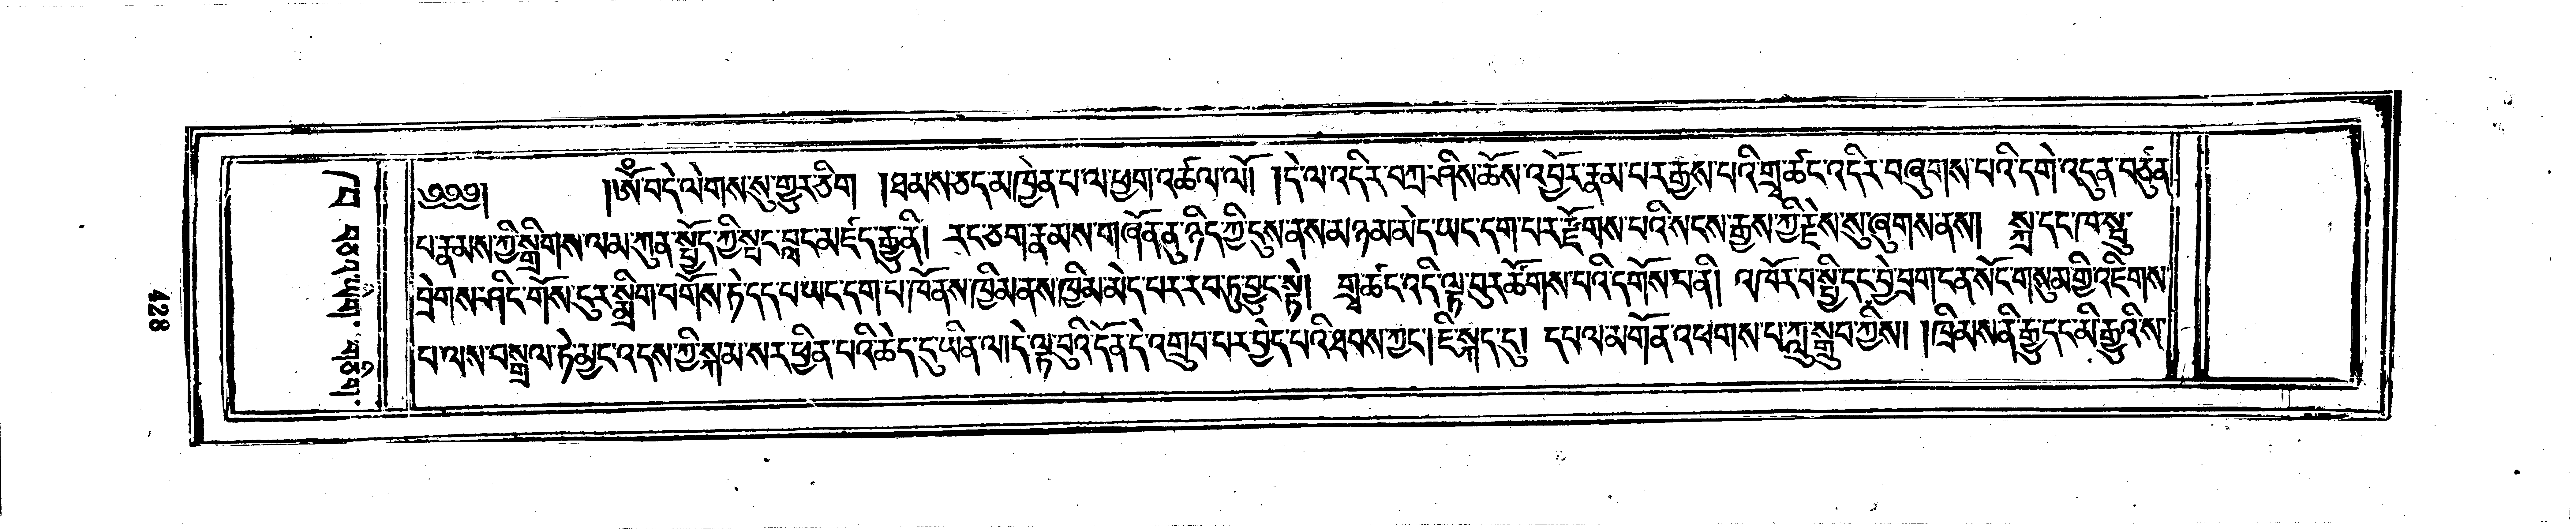༄༅༅། །ཨོཾ་བདེ་ལེགས་སུ་གྱུར་ཅིག །ཐམས་ཅད་མཁྱེན་པ་ལ་ཕྱག་འཚལ་ལོ། །དེ་ལ་འདིར་བཀྲ་ཤིས་ཆོས་འབྱོར་རྣམ་པར་རྒྱས་པའི་གྲྭ་ཚང་འདིར་བཞུགས་པའི་དགེ་འདུན་བཙུན་
པ་རྣམས་ཀྱི་སྒྲིགས་ལམ་ཀུན་སྤྱོད་ཀྱི་སྤང་བླང་མཛད་རྒྱུ་ནི། རང་ཅག་རྣམས་གཞོན་ནུ་ཉིད་ཀྱི་དུས་ནས་མཉམ་མེད་ཡང་དག་པར་རྫོགས་པའི་སངས་རྒྱས་ཀྱི་རྗེས་སུ་ཞུགས་ནས། སྐྲ་དང་ཁ་སྤུ་
བྲེགས་ཤིང་གོས་དུར་སྨྲིག་བགོས་ཏེ་དད་པ་ཡང་དག་པ་ཁོ་ནས་ཁྱིམ་ནས་ཁྱིམ་མེད་པར་རབ་ཏུ་བྱུང་སྟེ། གྲྭ་ཚང་འདི་ལྟ་བུར་ཚོགས་པའི་དགོས་པ་ནི། འཁོར་བ་སྤྱི་དང་བྱེ་བྲག་ངན་སོང་གསུམ་གྱི་འཇིགས་
པ་ལས་བསྒྲལ་ཏེ་མྱང་འདས་ཀྱི་སྐམ་སར་ཕྱིན་པའི་ཆེད་དུ་ཡིན་ལ། དེ་ལྟ་བུའི་དོན་དེ་འགྲུབ་པར་བྱེད་པའི་ཐབས་ཀྱང་། ཇི་སྐད་དུ། དཔལ་མགོན་འཕགས་པ་ཀླུ་སྒྲུབ་ཀྱིས། །ཁྲིམས་ནི་རྒྱུ་དང་མི་རྒྱུའི་ས་